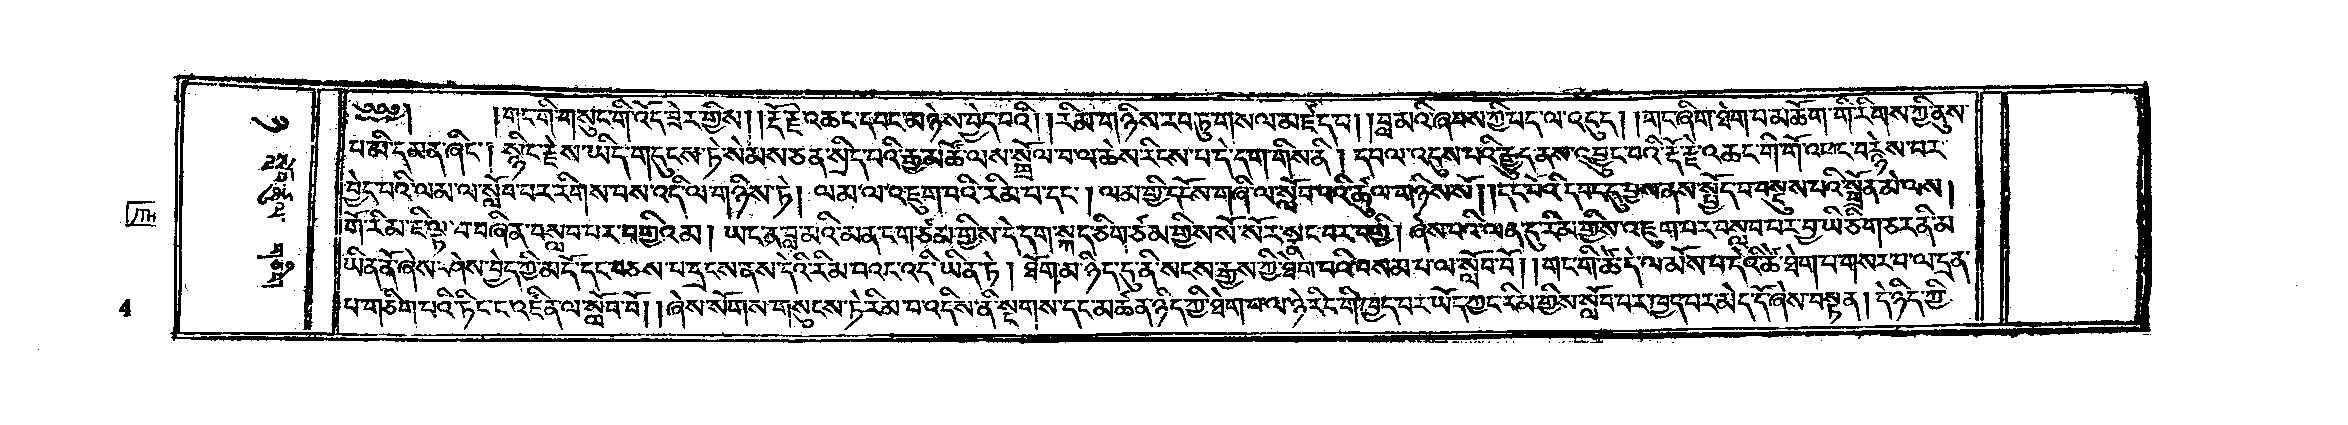༄༅༅། །གང་གི་གསུང་གི་འོད་ཟེར་གྱིས། །རྡོ་རྗེ་འཆང་དབང་མཉེས་བྱེད་པའི། །རིམ་གཉིས་རབ་ཏུ་གསལ་མཛད་པ། །བླ་མའི་ཞབས་ཀྱི་པད་ལ་འདུད། །གང་ཞིག་ཐེག་པ་མཆོག་གི་རིགས་ཀྱི་ནུས་
པ་མི་དམན་ཞིང་། སྙིང་རྗེས་ཡིད་གདུངས་ཏེ་སེམས་ཅན་སྲིད་པའི་རྒྱ་མཚོ་ལས་སྒྲོལ་བ་ལ་ཆེས་རིངས་པ་དེ་དག་གིས་ནི། དཔལ་འདུས་པའི་རྒྱུད་ནས་འབྱུང་བའི་རྡོ་རྗེ་འཆང་གི་གོ་འཕང་བརྙེས་པར་
བྱེད་པའི་ལམ་ལ་སློབ་པར་རིགས་པས་འདི་ལ་གཉིས་ཏེ། ལམ་ལ་འཇུག་པའི་རིམ་པ་དང་། ལམ་གྱི་དངོས་གཞི་ལ་སློབ་པའི་ཚུལ་གཉིས་སོ། །དང་པོའི་དབང་དུ་བྱས་ནས་སྤྱོད་པ་བསྡུས་པའི་སྒྲོན་མེ་ལས།
གོ་རིམ་ཇི་ལྟ་བ་བཞིན་བསླབ་པར་བགྱིའམ། ཡང་ན་བླ་མའི་མན་ངག་ཙམ་གྱིས་དེ་དག་སྐད་ཅིག་ཙམ་གྱིས་སོ་སོར་སྣང་བར་བགྱི། ཞེས་པའི་ལན་དུ་རིམ་གྱིས་འཇུག་པར་བསླབ་པར་བྱ་ཡི་ཅིག་ཅར་ནི་མ་
ཡིན་ནོ་ཞེས་ཤེས་བྱེད་ཀྱི་མདོ་དང་བཅས་པ་དྲངས་ནས་དེའི་རིམ་པའང་འདི་ཡིན་ཏེ། ཐོག་མ་ཉིད་དུ་ནི་སངས་རྒྱས་ཀྱི་ཐེག་པའི་བསམ་པ་ལ་སློབ་བོ། །གང་གི་ཚེ་དེ་ལ་མོས་པ་དེའི་ཚེ་ཐེག་པ་གསར་པ་ལ་དྲན་
པ་གཅིག་པའི་ཏིང་ངེ་འཛིན་ལ་སློབ་བོ། །ཞེས་སོགས་གསུངས་ཏེ་རིམ་པ་འདིས་ནི་སྔགས་དང་མཚན་ཉིད་ཀྱི་ཐེག་པ་ལ་ཉེ་རིང་གི་ཁྱད་པར་ཡོད་ཀྱང་རིམ་གྱིས་སློབ་པར་ཁྱད་པར་མེད་དོ་ཞེས་བསྟན། དེ་ཉིད་ཀྱི་